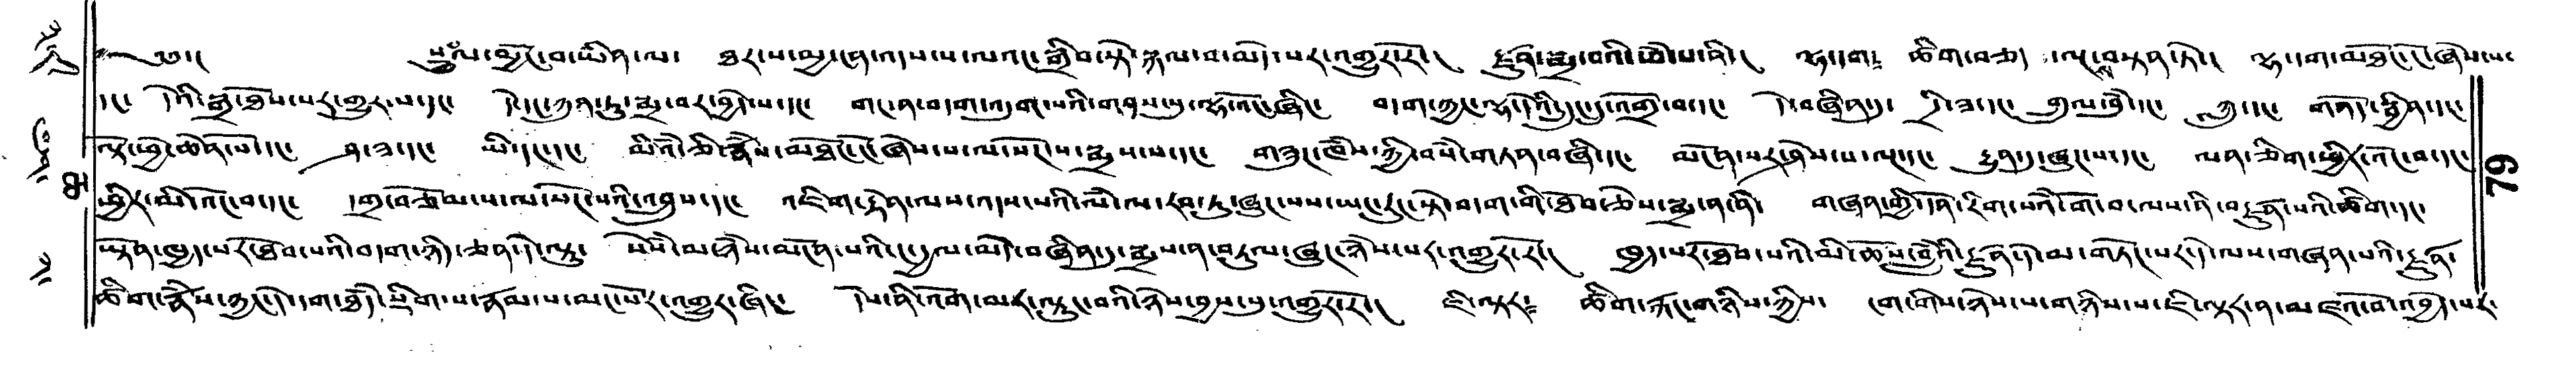སྡུག་བསྔལ་མྱོང་བ་ཡིན་ལ། ཐར་པ་མྱ་ངན་འདས་པ་ལའང་སྒྲིབ་སྟེ་སྐལ་བ་མེད་པར་འགྱུར་རོ། རྫུན་སྨྲ་བའི་ཕམ་པ་ནི། ལྷ་དག༴ ཚིགས་བཅད་ལྔས་བསྟན་ཏེ།ལྷ་དག་མཐོང་ངོ་ཞེས་པ་
དང་། དེའི་སྒྲ་ཐོས་པར་གྱུར་པ་དང་། དེ་དང་ཀུན་ཏུ་སྨྲ་བར་བྱེད་པ་དང་། གང་ན་བདག་འདུག་པའི་གནས་སུ་ལྷ་འོང་ཞིང་། བདག་ཀྱང་ལྷ་དེའི་དྲུང་དུ་འགྲོ་བ་དང་། དེ་བཞིན་དུ། དྲི་ཟ་དང་། གྲུལ་བུམ་དང་། ཀླུ་དང་། གནོད་སྦྱིན་དང་། 
ལྟོ་ཕྱེ་ཆེན་པོ་དང་། ཤ་ཟ་དང་། ཡི་དྭགས་དང་། མིའམ་ཅི་རྣམས་མཐོང་ངོ་ཞེས་པ་ལ་སོགས་པ་སྨྲས་པ་དང་། གཟུགས་ཁམས་ཀྱི་བསམ་གཏན་བཞི་དང་། མངོན་པར་ཤེས་པ་ལྔ་དང་། རྒྱུན་དུ་ཞུགས་པ་དང་། ལན་ཅིག་ཕྱིར་འོང་བ་དང་། 
ཕྱིར་མི་འོང་བ་དང་། དགྲ་བཅོམ་པ་ལ་སོགས་པའི་འབྲས་བུ་དང་། འཇིག་རྟེན་ལས་འདས་པའི་ལམ་ལ་རབ་ཏུ་ཞུགས་པས་ཀྱང་རུང་སྟེ་བདག་གི་ཐོབ་ཅེས་སྨྲ་ན་ནི། གཞན་གྱི་དོན་རིག་པའམ་གོ་བ་ལས་ནི་བརྫུན་པའི་ཚིག་དང་། 
ཡོན་ཏན་གྱི་ཁྱད་པར་ཐོབ་པའི་བདག་ཉིད་ཅན་དེ་ལྟ་བུ། སེམས་མ་ཉམས་མངོན་པའི་ང་རྒྱལ་མེད་བཞིན་དུ་སྨྲས་ན་བརྟུལ་ཞུགས་ཉམས་པར་འགྱུར་རོ། ཁྱད་པར་ཐོབ་པའི་མི་ཆོས་བླ་མའི་རྫུན་དེ་མ་གཏོགས་པར་དེ་ལས་གཞན་པའི་རྫུན་
ཚིག་རྣམས་ཀྱང་དེ་དག་ཐམས་ཅད་སྡིག་པ་རྣམ་པ་མང་པོར་འགྱུར་ཞིང་། དཔེ་ནི་འོག་མར་ལྟུང་བའི་ཉེས་བྱས་སུ་འགྱུར་རོ། ཇི་ལྟར༴ ཚིག་རྐང་གཉིས་ཀྱིས་ངག་གིས་ཉེས་པ་གནཉས་པ་ཇི་ལྟར་ན་མཛའ་བོ་འབྱེད་པར་